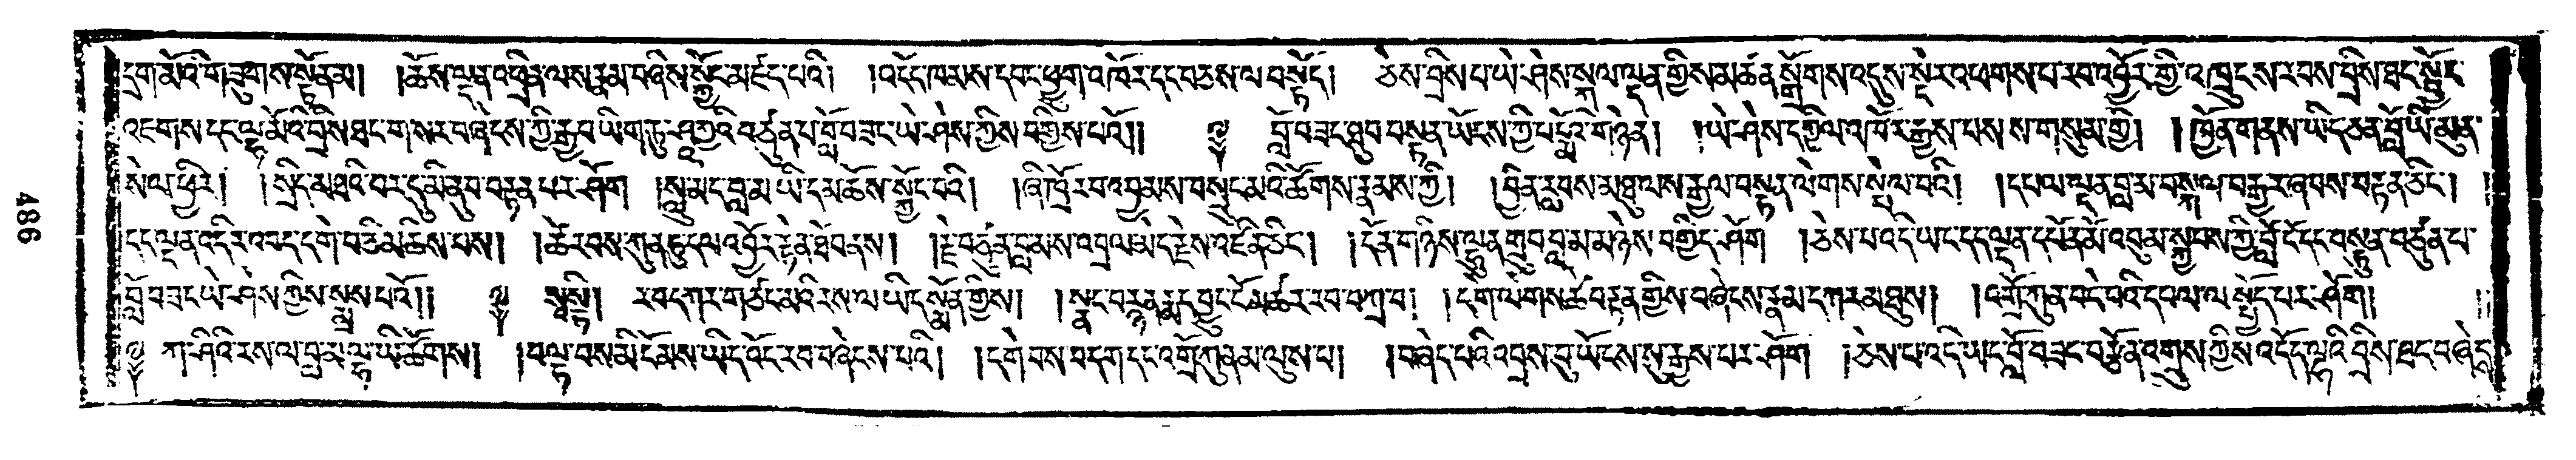དྲག་མོའི་གཟུགས་སྟོན་མ། །ཆོས་ལྡན་འཕྲིན་ལས་རྣམ་བཞིས་སྐྱོང་མཛད་པའི། །འདོད་ཁམས་དབང་ཕྱུག་འཁོར་དང་བཅས་ལ་བསྟོད། ཅེས་བྲིས་པ་ཡེ་ཤེས་སྐལ་ལྡན་གྱིས་མཚན་སྒྲོགས་འདུས་སྡེར་འཕགས་པ་རབ་འབྱོར་གྱི་འཁྲུངས་རབས་བྲིས་ཐང་སྦྱོང་
འཇགས་དང་ལྷ་མོའི་བྲིས་ཐང་གསར་བཞེངས་ཀྱི་རྒྱབ་ཡིག་ཏུ་ཤཱཀྱའི་བཙུན་པ་བློ་བཟང་ཡེ་ཤེས་ཀྱིས་བགྱིས་པའོ།། ༈ བློ་བླང་ཐུབ་བསྟན་ཡོངས་ཀྱི་པདམོའི་གཉེན། །ཡེ་ཤེས་དཀྱིལ་འཁོར་རྒྱས་པས་ས་གསུམ་གྱི། །ཁྱོན་གནས་ཡིད་ཅན་བློ་ཡི་མུན་
སེལ་ཕྱིར། །སྲིད་མཐའི་བར་དུ་མི་ནུབ་བརྟན་པར་ཤོག །སླུ་མང་བླ་མ་ཡི་དམ་ཆོས་སྐྱོང་བའི། །ཞི་ཁྲོ་རབ་འབྱམས་བསྲུང་མའི་ཚོགས་རྣམས་ཀྱི། །བྱིན་རླབས་མཐུ་ལས་རྒྱལ་བསྟན་ལེགས་སྤེལ་བའི། །དཔལ་ལྡན་བླ་མ་བསྐལ་བརྒྱར་ཞབས་བརྟན་ཅིང་། །
དང་ལྡན་འདིར་འབད་དགེ་བ་ཅི་མཆིས་པས། །ཚེ་རབས་ཀུན་ཏུ་དལ་འབྱོར་རྟྣེ་ཐོབ་ནས། །རྗེ་བཙུན་འབྲལ་མེད་རྗེས་འཛིན་ཅིང་། །དོན་གཉིས་ལྷུན་གྲུབ་བླ་མ་མཉེས་བགྱིད་ཤོག །ཅེས་པ་འདི་ཡང་དད་ལྡན་དཔོན་མོ་འབུམ་སྐྱབས་ཀྱི་བློ་ངོ་དང་བསྟུན་བཙུན་པ་
བློ་བཟང་ཡེ་ཤེས་ཀྱིས་སྨྲས་པའོ།། ༈ སྭསྟི། རབ་དཀར་གཙང་མའི་རས་ལ་ཡིད་སྨོན་གྱི། །སྣང་བརྟན་རྨང་བྱུང་ངོ་མཚར་རབ་བཀྲ་བ།། དགེ་ལེགས་ཚེ་བརྟན་གྱིས་བཞེངས་རྣམ་དཀར་མཐུས། །འགྲོ་ཀུན་བདེ་བའི་དཔལ་ལ་སྤྱོད་པར་ཤོག། །།
༈ ཀ་ཤིའི་རས་ལ་བླ་མ་ལྷ་ཡི་ཚོགས། །བལྟ་བས་མི་ངོམས་ཡིད་འོང་རབ་བཞེངས་པའི། །དགེ་བས་བདག་དང་འགྲོ་ཀུན་མ་ལུས་པ། །བཞེད་པའི་འབྲས་བུ་ཡོངས་སུ་རྒྱས་པར་ཤོག །ཅེས་པ་འདི་ཡང་བློ་བཟང་བརྩོན་འགྲུས་ཀྱིས་འདོད་ལྷའི་བྲིས་ཐང་བཞེངས་